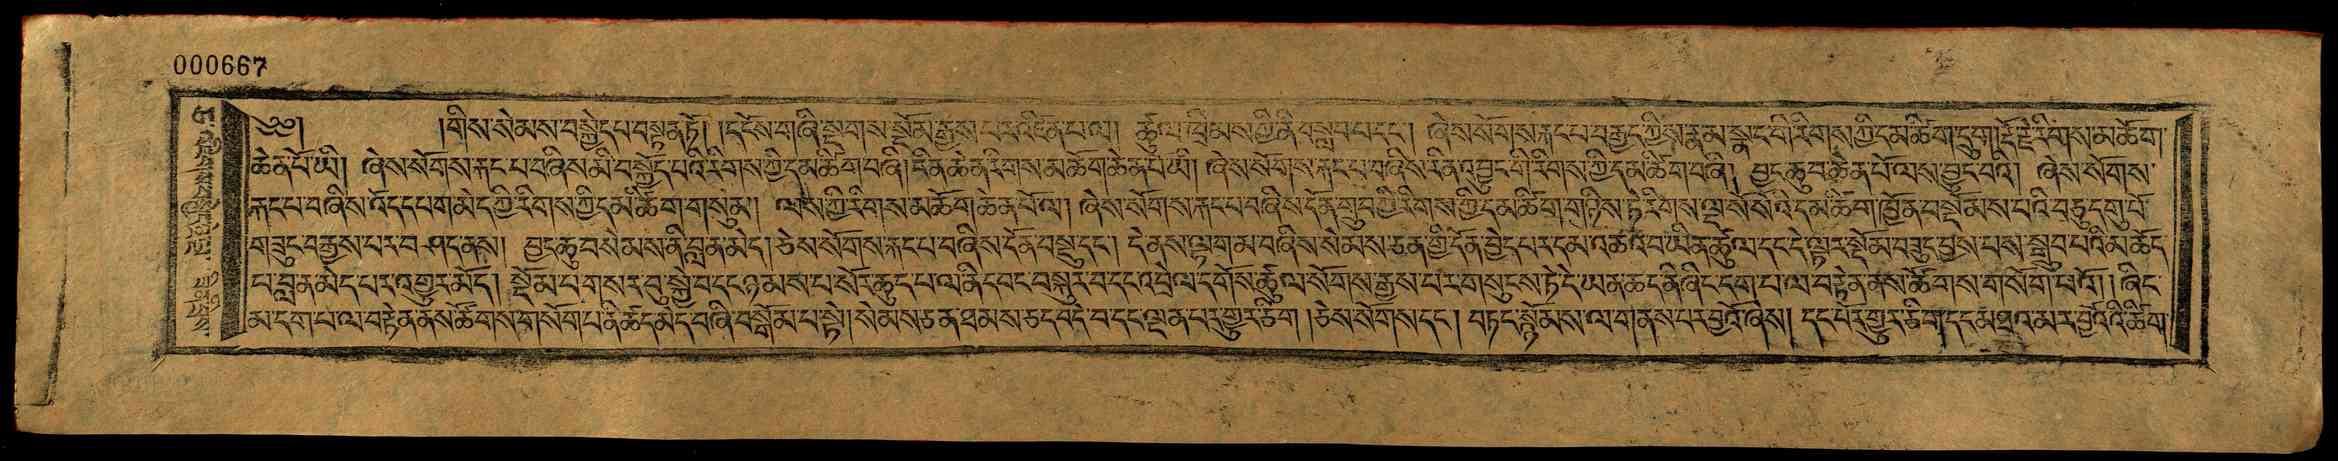༄༅། །གིས་སེམས་བསྐྱེད་པ་བསྟན་ཏོ། །དངོས་གཞི་སྔགས་སྡོམ་རྒྱས་པར་འཛིན་པ་ལ། ཚུལ་ཁྲིམས་ཀྱི་ནི་བསླབ་པ་དང་། ཞེས་སོགས་རྐང་པ་བརྒྱད་ཀྱིས་རྣམ་སྣང་གི་རིགས་ཀྱི་དམ་ཚིག་དྲུག། རྡོ་རྗེ་རིགས་མཆོག་
ཆེན་པོ་ཡི། ཞེས་སོགས་རྐང་པ་བཞིས་མི་བསྐྱོད་པའི་རིགས་ཀྱི་དམ་ཚིག་བཞི། རིན་ཆེན་རིགས་མཆོག་ཆེན་པོ་ཡི། ཞེས་སོགས་རྐང་པ་བཞིས་རིན་འབྱུང་གི་རིགས་ཀྱི་དམ་ཚིག་བཞི། བྱང་ཆུབ་ཆེན་པོ་ལས་བྱུང་བའི། ཞེས་སོགས་
རྐང་པ་བཞིས་འོད་དཔག་མེད་ཀྱི་རིགས་ཀྱི་དམ་ཚིག་གསུམ། ལས་ཀྱི་རིགས་མཆོག་ཆེན་པོ་ལ། ཞེས་སོགས་རྐང་པ་བཞིས་དོན་གྲུབ་ཀྱི་རིགས་ཀྱི་དམ་ཚིག་གཉིས་ཏེ་རིགས་ལྔ་སོ་སོའི་དམ་ཚིག་ཁྱོན་བསྡོམས་པའི་བཅུ་དགུ་པོ་
གཟུང་བ་རྒྱས་པར་བཤད་ནས། བྱང་ཆུབ་སེམས་ནི་བླ་ན་མེད། ཅེས་སོགས་རྐང་པ་བཞིས་དོན་བསྡུ་དང་། དེ་ནས་ལྷག་མ་བཞིས་སེམས་ཅན་གྱི་དོན་བྱེད་པར་དམ་འཆའ་བ་ཡིན་ཚུལ་དང་དེ་ལྟར་སྡོམ་བཟུང་བྱས་པས་སྒྲུབ་པའི་མཆོད་
པ་བླ་ན་མེད་པར་འགྱུར་མོད། སྡོམ་པ་གསར་དུ་སྐྱེ་བ་དང་ཉམས་པ་སོར་ཆུད་པ་ལ་ནི་དབང་བསྐུར་བ་དང་འབྲེལ་དགོས་ཚུལ་སོགས་རྒྱས་པར་གསུངས་ཏེ་དེ་ཡན་ཆད་ནི་ཞིང་དག་པ་ལ་བརྟེན་ནས་ཚོགས་གསོག་པའོ། །ཞིང་
མ་དག་པ་ལ་བརྟེན་ནས་ཚོགས་གསོག་པ་ནི་ཚད་མེད་བཞི་བསྒོམ་པ་སྟེ། སེམས་ཅན་ཐམས་ཅད་བདེ་བ་དང་ལྡན་པར་གྱུར་ཅིག །ཅེས་སོགས་དང་། བཏང་སྙོམས་ལ་གནས་པར་བྱའོ་ཞེས། དང་པོར་གྱུར་ཅིག་དང་མཐའ་མར་བྱའོའི་ཚིག་